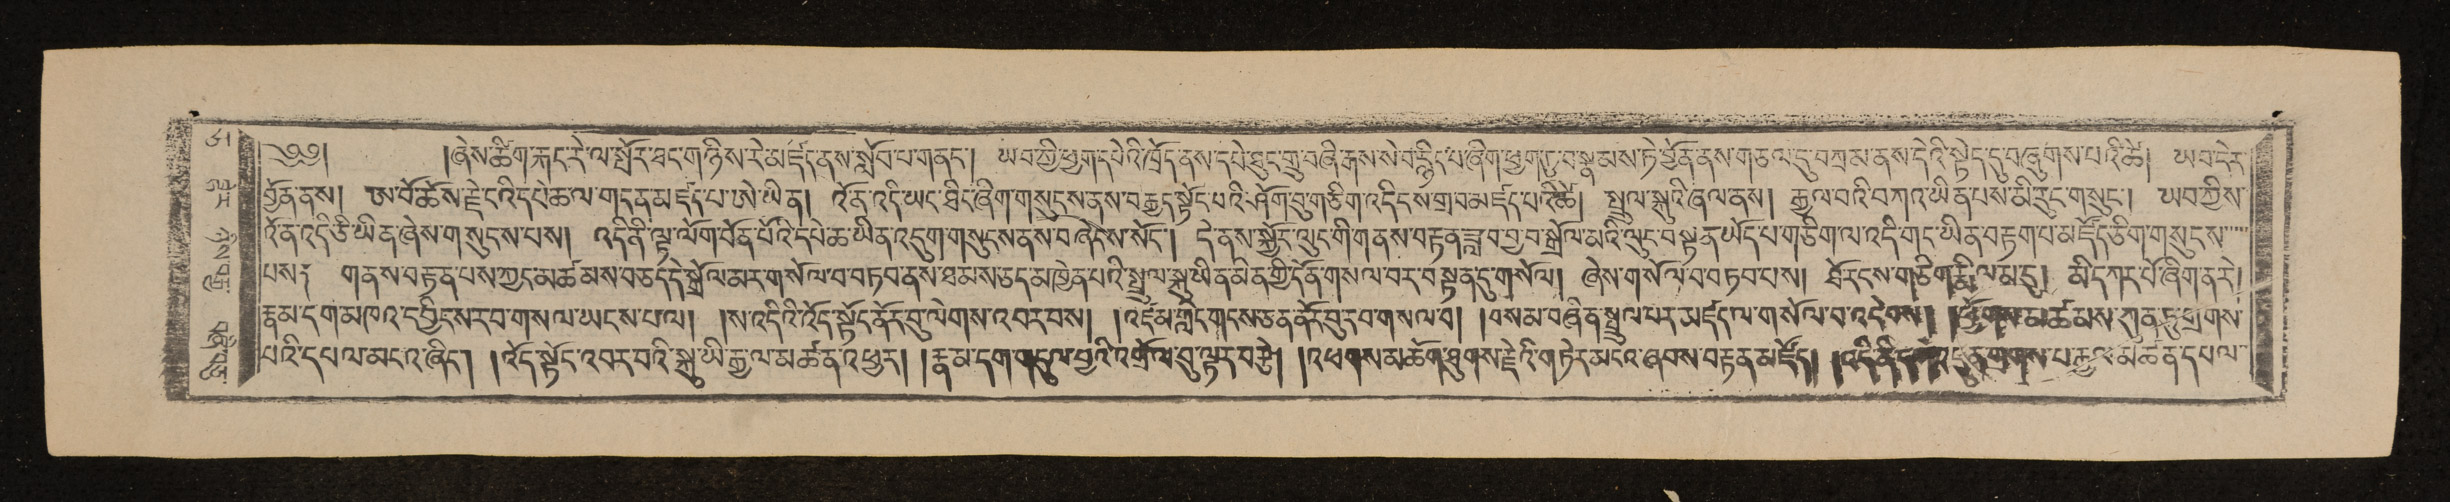༄༅། །ཞེས་ཚིག་རྐང་རེ་ལ་སྤོར་ཐང་གཉིས་རེ་མཛད་ནས་སློབ་པ་གནང་། ཡབ་ཀྱི་ཕྱག་དཔེའི་ཁྲོད་ནས་དཔེ་ཐུང་གྲུ་བཞི་རྒས་སེ་བརྙིང་བ་ཞིག་ཕྱག་ཏུ་བསྣམས་ཏེ་བྱོན་ནས་གཅལ་དུ་བཀྲམ་ནས་དེའི་སྟེང་དུ་བཞུགས་པའི་ཚེ། ཡབ་དེར་
བྱོན་ནས། ཨ་བོ་ཆོས་རྗེ་ངའི་དཔེ་ཆ་ལ་གདན་མཛད་བ་ཨེ་ཡིན། འོ་ན་འདི་ཡང་ཐིང་ཞིག་གསུངས་ནས་བརྒྱད་སྟོང་པའི་ཤོག་བུ་གཅིག་འདི་ངས་གྲབ་མཛད་པའི་ཚེ། སྤྲུལ་སྐུའི་ཞལ་ནས། རྒྱལ་བའི་བཀའ་ཡིན་པས་མི་རུང་གསུང་། ཡབ་ཀྱིས་
འོ་ན་འདི་ཅི་ཡིན་ཞེས་གསུངས་པས། འདི་ནི་ལྟ་ལོག་བོན་པོའི་དཔེ་ཆ་ཡིན་འདུག་གསུངས་ནས་བཞེངས་སོང་། དེ་ནས་སྐྱོང་ལུང་གི་གནས་བརྟན་ཟླ་བ་བྱ་བ་སྒྲོལ་མའི་ལུང་བསྟན་ཡོད་པ་གཅིག་ལ་འདི་གང་ཡིན་བརྟག་པ་མཛོད་ཅིག་གསུངས་
པས༑ གནས་བརྟན་པས་ཀྱང་མཚམས་བཅད་དེ་སྒྲོལ་མར་གསོལ་བ་བཏབ་ནས་ཐམས་ཅད་མཁྱེན་པའི་སྤྲུལ་སྐུ་ཡིན་མིན་གྱི་དོན་གསལ་བར་བསྟན་དུ་གསོལ། ཞེས་གསོལ་བ་བཏབ་པས། ཐོ་རངས་གཅིག་རྨི་ལམ་དུ། མི་དཀར་པོ་ཞིག་ན་རེ།
རྣམ་དག་མཁའ་དབྱིངས་རབ་གསལ་ཡངས་པ་ལ། །ས་འདིའི་འོད་སྟོང་ནོར་བུ་ལེགས་འབར་བས། །འཛམ་གླིང་གངས་ཅན་ནོར་བུ་རབ་གསལ་བ། །བསམ་བཞིན་སྦྲུལ་བར་མཛད་ལ་གསོལ་བ་འདེབས། །ཕྱོགས་མཚམས་ཀུན་ཏུ་གྲགས་
པའི་དཔལ་མངའ་ཞིང་། །འོད་སྟོང་འབར་བའི་སྐུ་ཡི་རྒྱལ་མཚན་འཕྱར། །རྣམ་དག་གདུལ་བྱའི་འགྲོ་ལ་བུ་ལྟར་བརྩེ། །འཕགས་མཆོག་ཐུགས་རྗེའི་གཏེར་མངའ་ཞབས་བརྟན་མཛོད། །འདི་ནི་དགེ་འདུན་གྲགས་པ་རྒྱལ་མཚན་དཔལ་